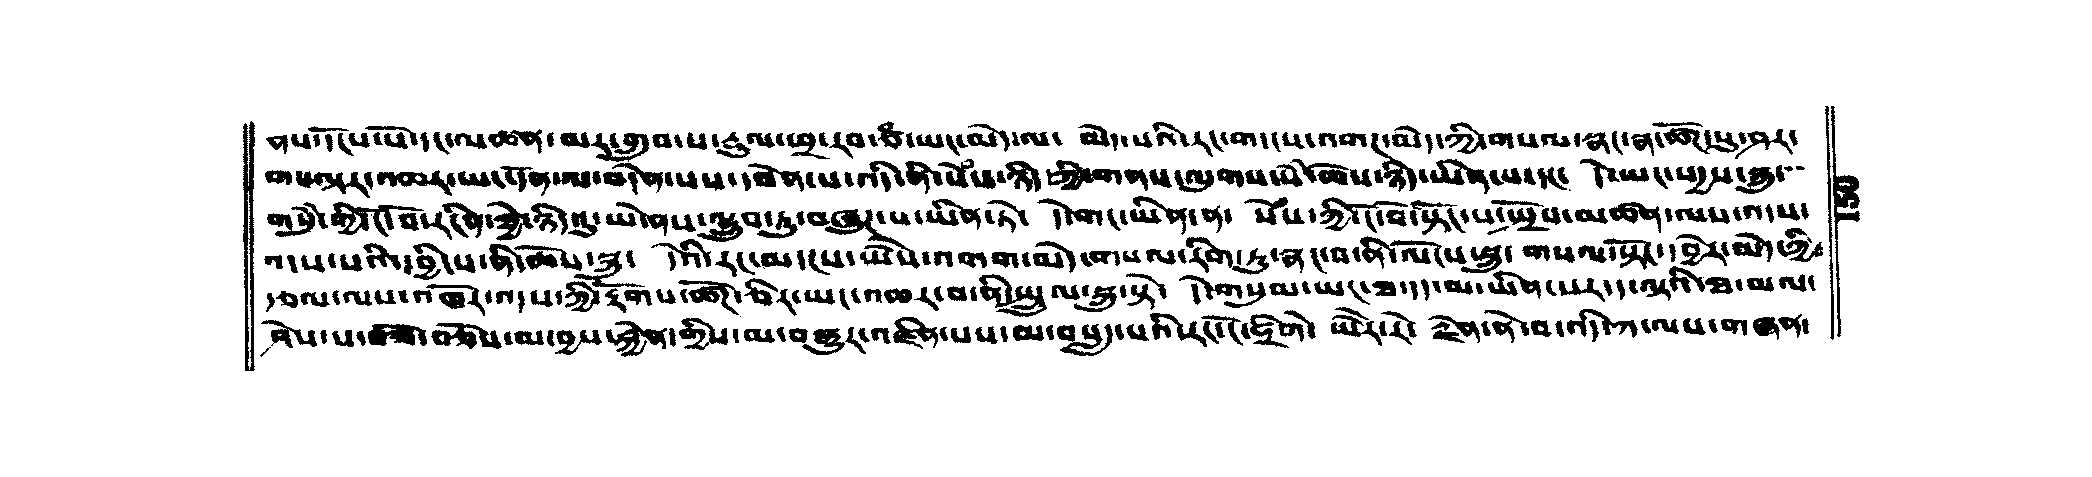ནས་དངོས་པོ་དང་མཚན་མར་གྲུབ་པ་རྡུལ་ཕྲ་རབ་ཙམ་ཡང་མེད་ལ། མེད་པའི་རང་གདངས་འགགས་མེད་ཀྱི་གསལ་སྣང་ཚོགས་སུ་ཤར་
གང་ལྟར་འཆར་ཡང་དོན་ལ་བདེན་པས་དབེན་པ་འདི་ནི་སེམས་ཉིད་ཀྱི་གནས་ལུགས་སམ་ཆོས་ཉིད་ཡིན་པ་དང་། དེ་ཡང་སངས་རྒྱས་སྐུ་
གསུམ་གྱི་ངོ་བོར་རང་བཞིན་ཐུགས་རྗེ་ཉིད་དུ་ཡེ་ནས་ལྷུན་གྲུབ་ཏུ་བཞུགས་པ་ཡིན་ཏེ། དེ་གང་ཡིན་ན། སེམས་ཀྱི་ངོ་བོ་སྟོང་པ་སྤྲོས་མཚན་ལས་འདས་
འདས་པའི་དབྱིངས་ནི་ཆོས་སྐུ། དེའི་རང་མདངས་ཡེ་ཤེས་འགག་མེད་གསལ་རིག་ཏུ་སྣང་བ་ནི་ལོངས་སྐུ་གསལ་སྟོང་དབྱེར་མེད་ཀྱི་
རྩལ་ལས་འཁོར་འདས་ཀྱི་རྟོགས་ཚོགས་ཅིར་ཡང་འཆར་བ་ནི་སྤྲུལ་སྐུ་སྟེ། དེ་གསུམ་ཡང་ཐ་དད་མ་ཡིན་པར་ད་ལྟའི་ཐ་མལ་
ཤེས་པ་བཟོ་བཅོས་མ་བྱས་རྐྱེན་གྱིས་མ་བསྒྱུར་འཛིན་པས་མ་བསླད་པའི་རིང་ངོ་ཧྲིག་གེཡེར་རེ་རེ། རྗེན་ནེ་བ་འདི་ཀ་ལས་གཞན་